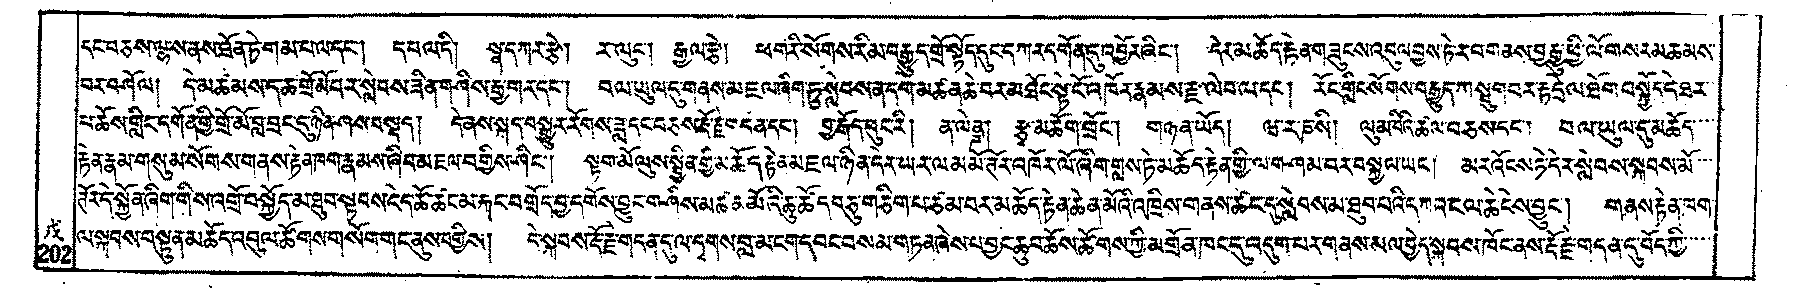དང་བཅས་ལྷ་ས་ནས་ཐོན་ཏེ་གམ་པ་ལ་དང་། དཔལ་དི། སྣ་དཀར་རྩེ། ར་ལུང་། རྒྱལ་རྩེ། ཕག་རི་སོགས་རིམ་བརྒྱུད་གྲོ་སྟོད་དུང་དཀར་དགོན་དུ་འབྱོར་ཞིང་། དེར་མཆོད་རྟེན་གཟུངས་འབུལ་བྱས་ཏེ་རབ་གནས་བྱ་རྒྱུ་ཕྱི་ལོ་གསར་མཆམས་
བར་བཤོལ། དེ་མཚམས་ད་ཆ་གྲོ་མོ་བར་སླེབས་ཟིན་གཤིས་རྒྱ་གར་དང་། བལ་ཡུལ་དུ་གནས་མཇལ་ཞིག་ཏུ་སླེབས་ན་དགེ་མཚན་ཆེ་བར་མཐོང་སྟེ་ངོ་འཁོར་རྣམས་རྫ་ལེབ་ལ་དང་། རོང་གླིང་སོགས་བརྒྱུད་ཀ་སྦུག་བར་རྟ་དྲེལ་ཐོག་བསྐྱོད་དེ་ཐར་
པ་ཆོས་གླིང་དགོན་གྱི་གྲོ་མོ་བླ་བྲང་དུ་ཉིན་ཤས་བསྡད། དེ་ནས་སྐད་བསྒྱུར་རོགས་ཟླ་དང་བཅས་རྡོ་རྗེ་གདན་དང་། བྱ་རྒོད་ཕུང་རི། ན་ལེནྜ། རྩྭ་མཆོག་གྲོང་། གཉན་ཡོད། ཝ་ར་ཎ་སི། ལུམ་བིའི་ཚལ་བཅས་དང་། བལ་ཡུལ་དུ་མཆོད་
རྟེན་རྣམ་གསུམ་སོགས་གནས་རྟེན་ཁག་རྣམས་ཞིབ་མཇལ་བགྱིས་ཤིང་། སྟག་མོ་ལུས་སྦྱིན་གྱི་མཆོད་རྟེན་མཇལ་ཉིན་དེར་ཡར་ལམ་མོ་ཊོར་འཁོར་ལོ་ཞིག་གླས་ཏེ་མཆོད་རྟེན་གྱི་ལ་གཤམ་བར་བསྐྱལ་ཡང་། མར་འོངས་ཏེ་དེར་སླེབས་སྐབས་མོ་
ཊོར་དེ་སྐྱོན་ཞིག་གིས་འགྲོ་བསྐྱོད་མ་ཐུབ་སྟབས་ངེད་ཚོ་ཚང་མ་རྐང་བགྲོད་བྱ་དགོས་བྱུང་གཤིས་མཚན་མོའི་ཆུ་ཚོད་བཅུ་གཅིག་པ་ཙམ་བར་མཆོད་རྟེན་ཆེན་མོའི་འཁྲིས་གནས་ཚང་དུ་སླེབས་མ་ཐུབ་པའི་དཀའ་ངལ་ཆེ་ངེས་བྱུང་། གནས་རྟེན་ཁག་
ལ་སྐབས་བསྟུན་མཆོད་འབུལ་ཚོགས་གསོག་གང་ནུས་བགྱིས། དེ་སྐབས་རྡོ་རྗེ་གདན་དུ་ལ་དྭགས་བླ་མ་ངག་དབང་བསམ་གཏན་ཞེས་པ་བྱང་ཆུབ་ཆོས་ཚོགས་ཀྱི་མགྲོན་ཁང་དུ་འདུག་པར་གནས་མལ་བྱེད་སྐབས་ཁོང་ནས་རྡོ་རྗེ་གདན་དུ་བོད་ཀྱི་